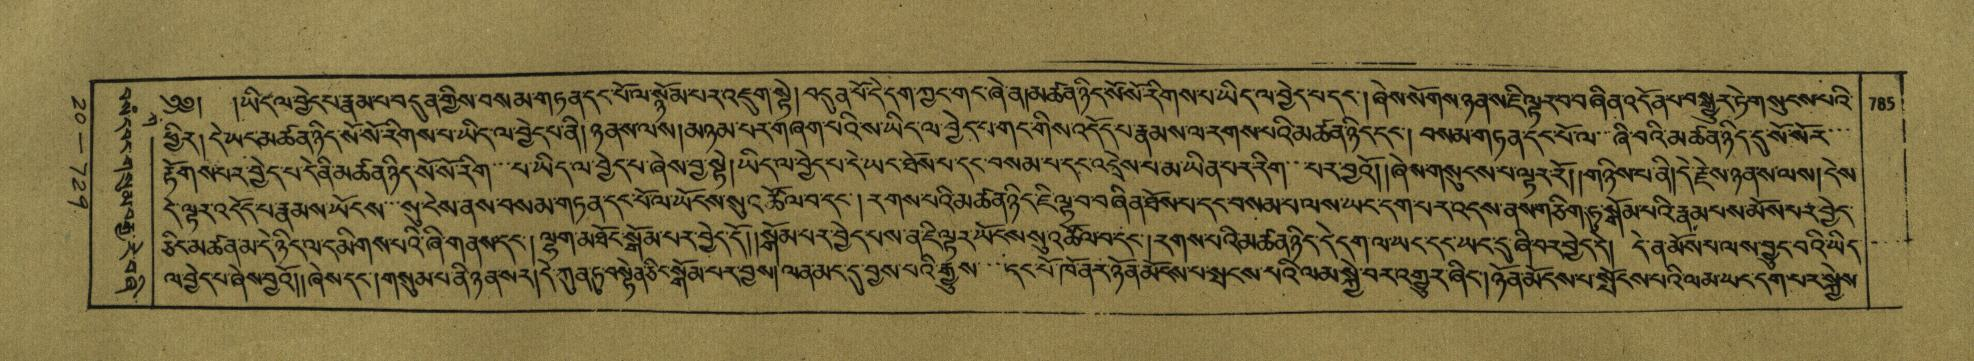༄༅། །ཡིད་ལ་བྱེད་པ་རྣམ་པ་བདུན་གྱིས་བསམ་གཏན་དང་པོ་ལ་སྙོམ་པར་འཇུག་སྟེ། བདུན་པོ་དེ་དག་ཀྱང་གང་ཞེ་ན། མཚན་ཉིད་སོ་སོ་རིགས་པ་ཡིད་ལ་བྱེད་པ་དང་། ཞེས་སོགས་ཉན་ས་ཇི་ལྟར་བ་བཞིན་འདོན་པ་བསྒྱུར་ཏེ་གསུངས་པའི་
ཕྱིར། དེ་ཡང་མཚན་ཉིད་སོ་སོ་རིགས་པ་ཡིད་ལ་བྱེད་པ་ནི། ཉན་ས་ལས། མཉམ་པར་གཞག་པའི་ས་ཡིད་ལ་བྱེད་པ་གང་གིས་འདོད་པ་རྣམས་ལ་རགས་པའི་མཚན་ཉིད་དང་། བསམ་གཏན་དང་པོ་ལ་ཞི་བའི་མཚན་ཉིད་དུ་སོ་སོར་
རྟོགས་པར་བྱེད་པ་དེ་ནི་མཚན་ཉིད་སོ་སོ་རིག་པ་ཡིད་ལ་བྱེད་པ་ཞེས་བྱ་སྟེ། ཡིད་ལ་བྱེད་པ་དེ་ཡང་ཐོས་པ་དང་བསམ་པ་དང་འདྲེས་པ་མ་ཡིན་པར་རིག་པར་བྱའོ། །ཞེས་གསུངས་པ་ལྟར་རོ། །གཉིས་པ་ནི། དེ་རྗེས་ཉན་ས་ལས། དེས་
དེ་ལྟར་འདོད་པ་རྣམས་ཡོངས་སུ་ངེས་ནས་བསམ་གཏན་དང་པོ་ལ་ཡོངས་སུ་འཚོལ་བ་དང་། རགས་པའི་མཚན་ཉིད་ཇི་ལྟ་བ་བཞིན་ཐོས་པ་དང་བསམ་པ་ལས་ཡང་དག་པར་འདས་ནས་གཅིག་ཏུ་སྒོམ་པའི་རྣམ་པས་མོས་པར་བྱེད་
ཅིང་མཚན་མ་དེ་ཉིད་ལ་དམིགས་པའི་ཞི་གནས་དང་། ལྷག་མཐོང་སྒོམ་པར་བྱེད་དོ། །སྒོམ་པར་བྱེད་པས་ན་ཇི་ལྟར་ཡོངས་སུ་འཚོལ་བ་དང་། རགས་པའི་མཚན་ཉིད་དེ་དག་ལ་ཡང་དང་ཡང་དུ་ཞི་བར་བྱེད་དེ། དེ་ན་མོས་པ་ལས་བྱུང་བའི་ཡིད་
ལ་བྱེད་པ་ཞེས་བྱའོ། །ཞེས་དང་། གསུམ་པ་ནི་ནི་ཉན་སར། དེ་ཀུན་ཏུ་བསྟེན་ཅིང་སྒོམ་པར་བྱས། ལན་མང་དུ་བྱས་པའི་རྒྱུས་དང་པོ་ཁོ་ནར་ཉོན་མོངས་པ་སྤངས་པའི་ལམ་སྐྱེ་བར་འགྱུར་ཞིང་། ཉོན་མོངས་པ་སྤོངས་པའི་ལམ་ཡང་དག་པར་སྐྱེས་